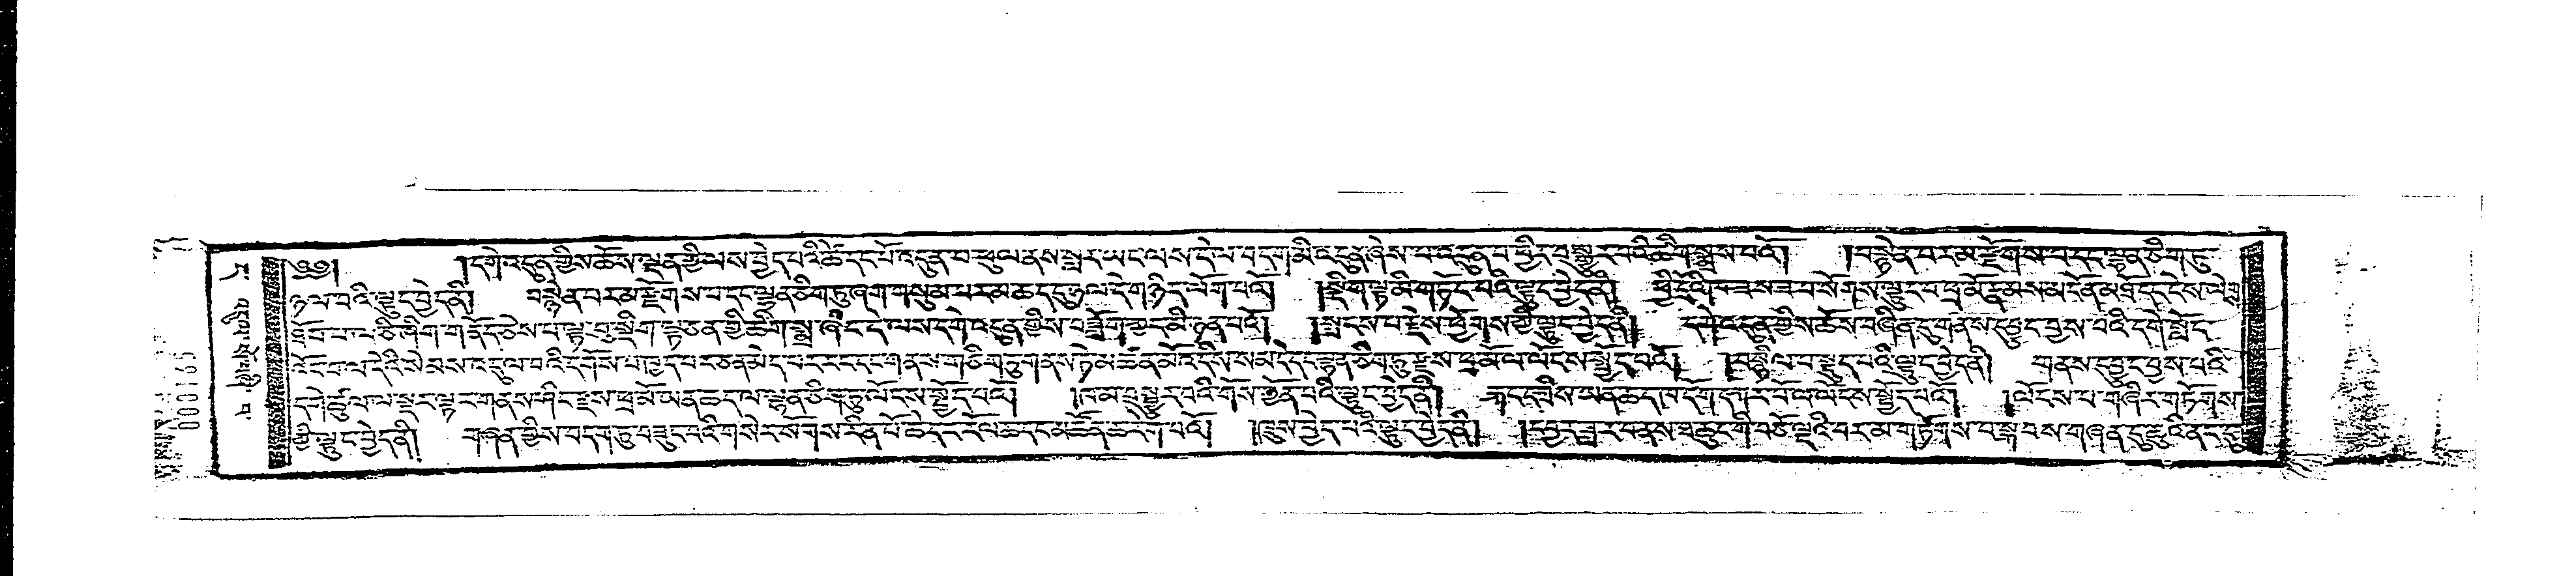༄༅། །དགེ་འདུན་གྱིས་ཆོས་ལྡན་གྱི་ལས་བྱེད་པའི་ཚེ་དང་པོ་འདུན་པ་ཕུལ་ནས་སླར་ཡང་ལས་དེ་ལ་བདག་མི་འདུན་ཞེས་པ་འདུན་པ་ཕྱིར་བསྒྱུར་པའི་ཚིག་སྨྲས་པའོ། །བསྙེན་པར་མ་རྫོགས་པ་དང་ལྷན་ཅིག་ཏུ་
ཉལ་བའི་ལྟུང་བྱེད་ནི། བསྙེན་བར་མ་རྫོགས་པ་དང་ལྷན་ཅིག་ཏུ་ཞག་གསུམ་པར་མ་ཆད་དུ་ཉལ་དེ་གཉིད་ལོག་པའོ། །སྡིག་ལྟ་མི་གཏོང་བའི་ལྟུང་བྱེད་ནི། ཕྱི་དྲོའི་ཁ་ཟས་ཟ་བ་སོགས་ལྟུང་བ་ཕྲ་མོ་རྣམས་མངོན་མཐོ་དང་ངེས་ལེགས་
ཐོབ་པ་ལ་ཅི་ཞིག་གནོད་ཅེས་པ་ལྟ་བུ་སྡིག་ལྟ་ཅན་གྱི་ཚིག་སྨྲ་ཞིང་དེ་ལས་དགེ་འདུན་གྱིས་བཟློག་ཀྱང་མི་ཉན་པའོ། །སྤངས་པ་རྗེས་ཕྱོགས་ཀྱི་ལྟུང་བྱེད་ནི། དགེ་འདུན་གྱིས་ཆོས་བཞིན་དུ་གནས་དབྱུང་བྱས་པའི་དགེ་སློང་
འོང་བ་ལ་དེའི་སེམས་འདུལ་བའི་དགོས་པ་ཁྱད་པར་ཅན་མེད་པར་རང་དང་གནས་གཅིག་ཏུ་གནས་ཏེ་མཚན་མོ་འདིས་སམ་དེ་དང་ལྷན་ཅིག་ཏུ་རྫས་ཕྲ་མོ་ལ་ལོངས་སྤྱོད་པའོ། །བསྙིལ་བ་སྡུད་པའི་ལྟུང་བྱེད་ནི། གནས་དབྱུང་བྱས་པའི་
དགེ་ཚུལ་ལ་སྔར་ལྟར་གནས་ཤིང་རྫས་ཕྲ་མོ་ཡན་ཆད་ལ་ལྷན་ཅིག་ཏུ་ལོངས་སྤྱོད་པའོ། །ཁ་མ་བསྒྱུར་བའི་གོས་གྱོན་པའི་ལྟུང་བྱེད་ནི། རྐང་དབྲིས་ཡན་ཆད་ཁ་དོག་དཀར་པོ་ལ་ལོངས་སྤྱོད་པའོ། །ལོངས་པ་གཞིར་གཏོགས་
ཀྱི་ལྟུང་བྱེད་ནི། གཞན་གྱིས་བདག་ཏུ་བཟུང་བའི་གསེར་སོགས་རིན་པོ་ཆེ་དང་རོལ་ཆ་དང་མཚོན་ཆ་རེག་པའོ། །ཁྲུས་བྱེད་པའི་ལྟུང་བྱེད་ནི། །དབྱར་ཟླ་ར་བ་ནས་ཐ་ཆུང་གི་བཅོ་ལྔའི་བར་མ་གཏོགས་པ་སྐབས་གཞན་དུ་ཆུའི་ནང་དུ་